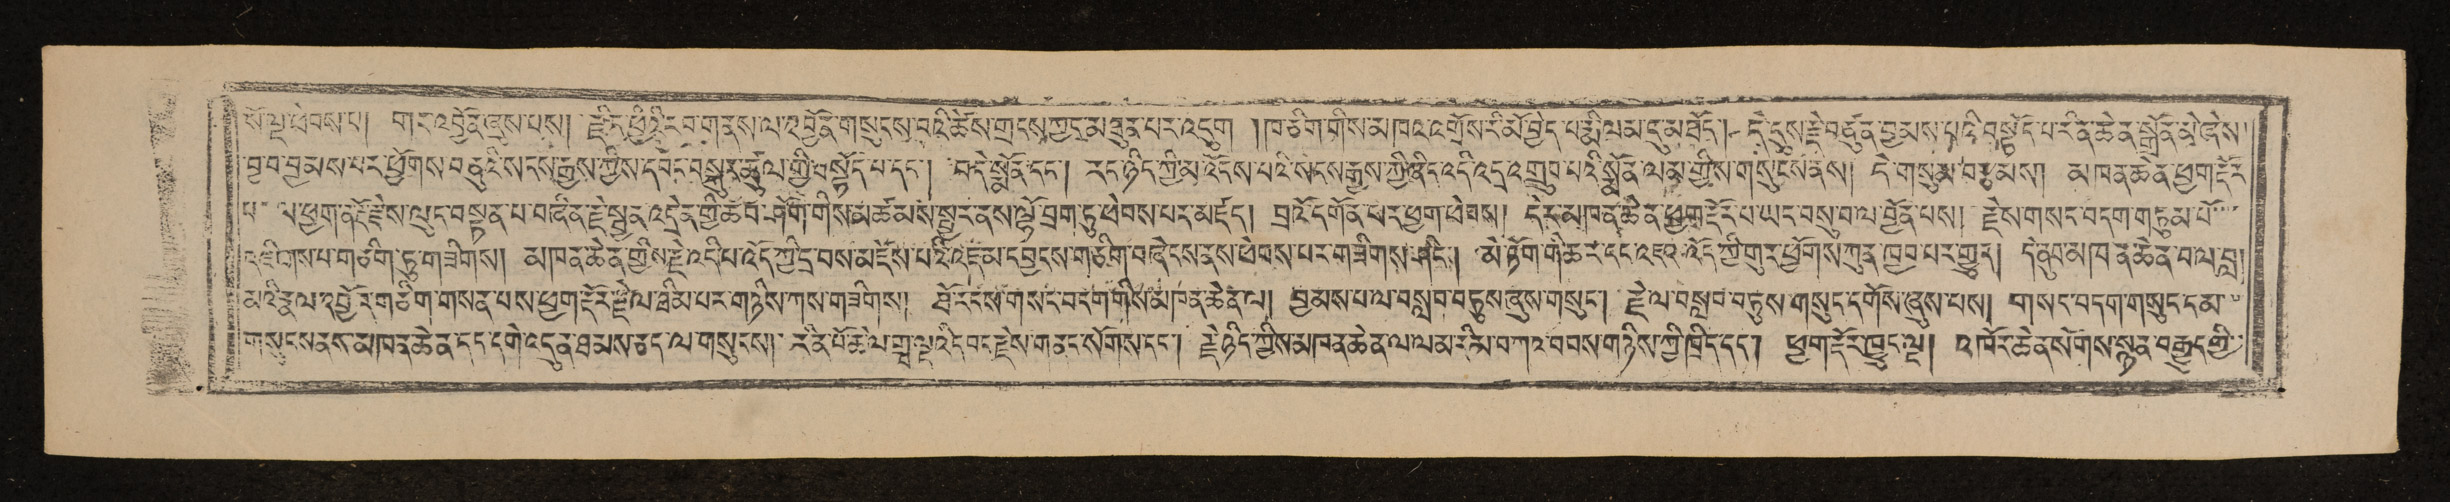སོ་ལྔ་ཕེབས་པ། གར་འབྱོན་ཞུས་པས། རྫིང་ཕྱིའི་རབ་གནས་ལ་འབྱོན་གསུངས་པའི་ཚེས་གྲངས་ཀྱང་མཐུན་པར་འདུག །ཁ་ཅིག་གིས་མཁའ་འགྲོས་རི་མོ་བྱེད་པ་རྨི་ལམ་དུ་མཐོང་། དེ་དུས་རྗེ་བཙུན་བྱམས་པའི་བསྟོད་པ་རིན་ཆེན་སྒྲོན་མེ་ཞེས་
བྱ་བ་བྱམས་པར་ཕྱོགས་བཅུའི་སངས་རྒྱས་ཀྱིས་དབང་བསྐུར་ཚུལ་གྱི་བསྟོད་པ་དང་། བདེ་སྨོན་དང་། རང་ཉིད་ཀྱི་མ་འོངས་པའི་སངས་རྒྱས་ཀྱི་ཞིང་འདི་འདྲ་འགྲུབ་པའི་སྨོན་ལམ་གྱིས་གསུངས་ནས། དེ་གསུམ་བརྩམས། མཁན་ཆེན་ཕྱག་རྡོར་
པ་ལ་ཕྱག་ན་རྡོ་རྗེས་ལུང་བསྟན་པ་བཞིན་རྗེ་སྤྱན་འདྲེན་གྱི་ཆབ་ཤོག་གིས་མཚམས་སྦྱར་ནས་ལྷོ་བྲག་ཏུ་ཕེབས་པར་མཛད། བྲའོ་དགོན་པར་ཕྱག་ཕེབས། དེར་མཁན་ཆེན་ཕྱག་རྡོར་བ་ཡང་བསུ་བ་ལ་བྱོན་པས། རྗེས་གསང་བདག་གཏུམ་པོ་
འཇིགས་པ་གཅིག་ཏུ་གཟིགས། མཁན་ཆེན་གྱིས་རྗེ་འདི་པ་འོད་ཀྱི་དྲ་བས་མཛེས་པའི་འཇམ་དབྱངས་གཅིག་བཞེངས་ནས་ཕེབས་པར་གཟིགས་ཤིང་། མེ་ཏོག་གི་ཆར་དང་འཇའ་འོད་ཀྱི་གུར་ཕྱོགས་ཀུན་ཁྱབ་པར་གྱུར། དེ་ནུབ་མཁན་ཆེན་པ་ལ་བླ་
མའི་རྣལ་འབྱོར་གཅིག་གསན་པས་ཕྱག་རྡོར་རྗེ་ལ་ཐིམ་པར་གཉིས་ཀས་གཟིགས། ཐོ་རངས་གསང་བདག་གིས་མཁན་ཆེན་ལ། བྱམས་པ་ལ་བསླབ་བཏུས་ཞུས་གསུང་། རྗེ་ལ་བསླབ་བཏུས་གསུང་དགོས་ཞུས་པས། གསང་བདག་གསུང་ངམ་
གསུངས་ནས་མཁན་ཆེན་དང་དགེ་འདུན་ཐམས་ཅད་ལ་གསུངས། རིན་པོ་ཆེ་ལ་གྲྭ་ལྔའི་དབང་རྗེས་གནང་སོགས་དང་། རྗེ་ཉིད་ཀྱིས་མཁན་ཆེན་ལ་ལམ་རིམ་བཀའ་བབས་གཉིས་ཀྱི་ཁྲིད་དང་། ཕྱག་རྡོར་ཁྱུང་ལྔ། འཁོར་ཆེན་སོགས་སྙན་བརྒྱུད་ཀྱི་